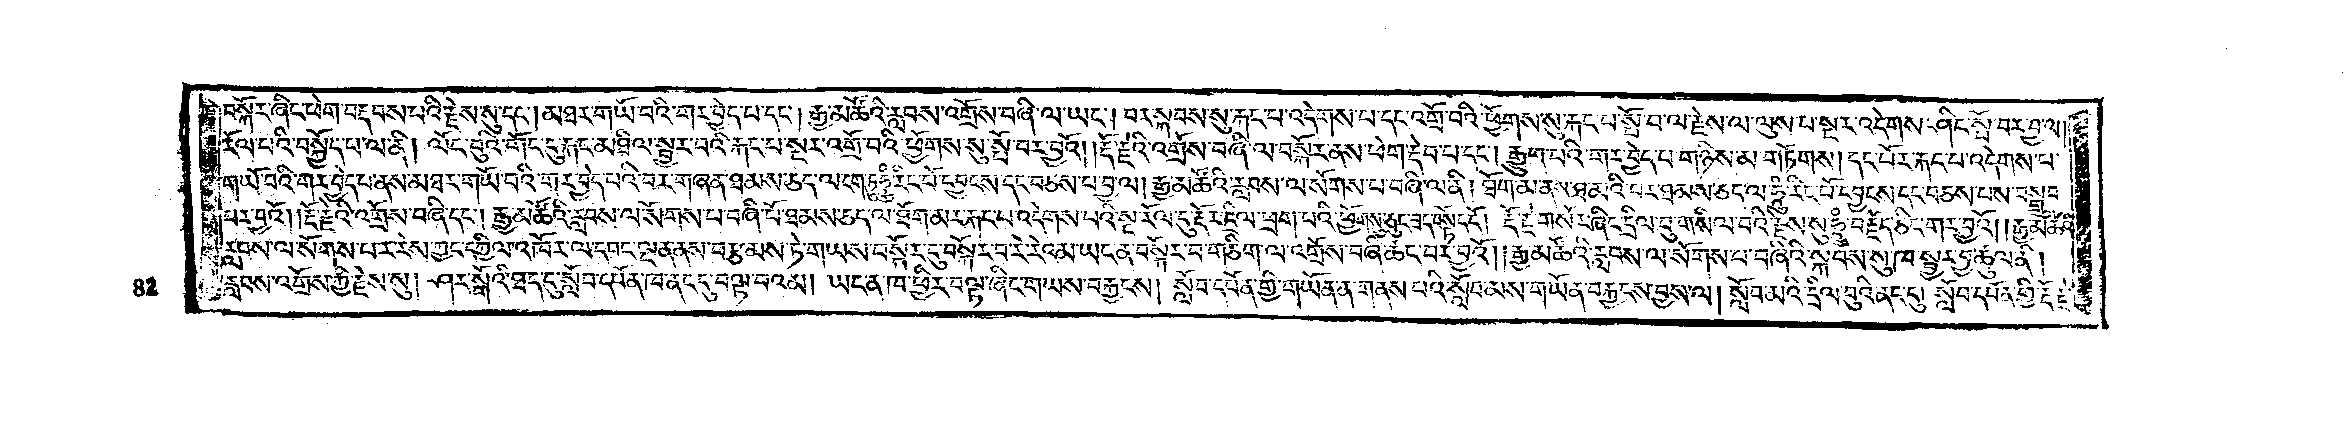བསྐོར་ཞིང་ཕེག་བརྡབས་པའི་རྗེས་སུ་དང་། མཐར་གཡོ་བའི་གར་བྱེད་པ་དང་། རྒྱ་མཚོའི་རླབས་འགྲོས་བཞི་ལ་ཡང་། བར་སྐབས་སུ་རྐང་པ་འདེགས་པ་དང་འགྲོ་བའི་ཕྱོགས་སུ་རྐང་པ་སྤོ་བ་ལ་རྗེས་ལ་ལུས་པ་སྔར་འདེགས་ཤིང་སྤོ་བར་བྱ་ལ།
རོལ་པའི་བསྐྱོད་པ་ལ་ནི། ལོང་བུའི་གོང་དུ་རྐང་མཐིལ་སྦྱར་བའི་རྐང་པ་སྔར་འགྲོ་བའི་ཕྱོགས་སུ་སྤོ་བར་བྱའོ། །རྡོ་རྗེའི་འགྲོས་བཞི་ལ་བསྐོར་ནས་ཕེག་རྡེབ་པ་དང་། རྒྱུག་པའི་གར་བྱེད་པ་གཉིས་མ་གཏོགས། དང་པོར་རྐང་པ་འདེགས་པ་
གཡོ་བའི་གར་བྱེད་པ་ནས་མཐར་གཡོ་བའི་གར་བྱེད་པའི་བར་གཞན་ཐམས་ཅད་ལ་ངག་ཏུ་ཧཱུཾ་རིང་པོ་དབྱངས་དང་བཅས་པ་བྱ་ལ། རྒྱ་མཚོའི་རླབས་ལ་སོགས་པ་བཞི་ལ་ནི། ཐོག་མ་ནས་ཐ་མའི་བར་ཐམས་ཅད་ལ་ཧཱུཾ་རིང་པོ་དབྱངས་དང་བཅས་པས་བསྒྲུབ་
པར་བྱའོ། །རྡོ་རྗེའི་འགྲོས་བཞི་དང་། རྒྱ་མཚོའི་རླབས་ལ་སོགས་པ་བཞི་པོ་ཐམས་ཅད་ལ་ཐོག་མར་རྐང་པ་འདེགས་པའི་སྔ་རོལ་དུ་རྡོར་དྲིལ་ཕྲག་པའི་ཕྱོགས་སུ་ཅུང་ཟད་བསྟོད་དེ། རྡོ་རྗེ་གསོར་ཞིང་དྲིལ་བུ་གསིལ་བའི་རྗེས་སུ་ཧཱུཾ་བརྗོད་ཅིང་གར་བྱའོ། །རྒྱ་མཚོའི་
རླབས་ལ་སོགས་པ་ར་རེས་ཀྱང་དཀྱིལ་འཁོར་ལ་དབང་ལྡན་ནས་བརྩམས་ཏེ་གཡས་བསྐོར་དུ་བསྐོར་བ་རེ་རེའམ་ཡང་ན་བསྐོར་བ་གཅིག་ལ་འགྲོས་བཞི་ཚང་བར་བྱའོ། །རྒྱ་མཚོའི་རླབས་ལ་སོགས་པ་བཞིའི་སྐབས་སུ་ཁ་སྦྱར་བྱ་ཚུལ་ནི།
རླབས་འགྲོས་ཀྱི་རྗེས་སུ། ཤར་སྒོའི་ཐད་དུ་སློབ་དཔོན་ཁ་ནང་དུ་བལྟ་བའམ། ཡང་ན་ཁ་ཕྱིར་བལྟ་ཞིང་གཡས་བརྐྱངས། སློབ་དཔོན་གྱི་གཡོན་ན་གནས་པའི་སློབ་མས་གཡོན་བརྐྱངས་བྱས་ལ། སློབ་མའི་དྲིལ་བུའི་ནང་དུ། སློབ་དཔོན་གྱི་རྡོ་རྗེ་